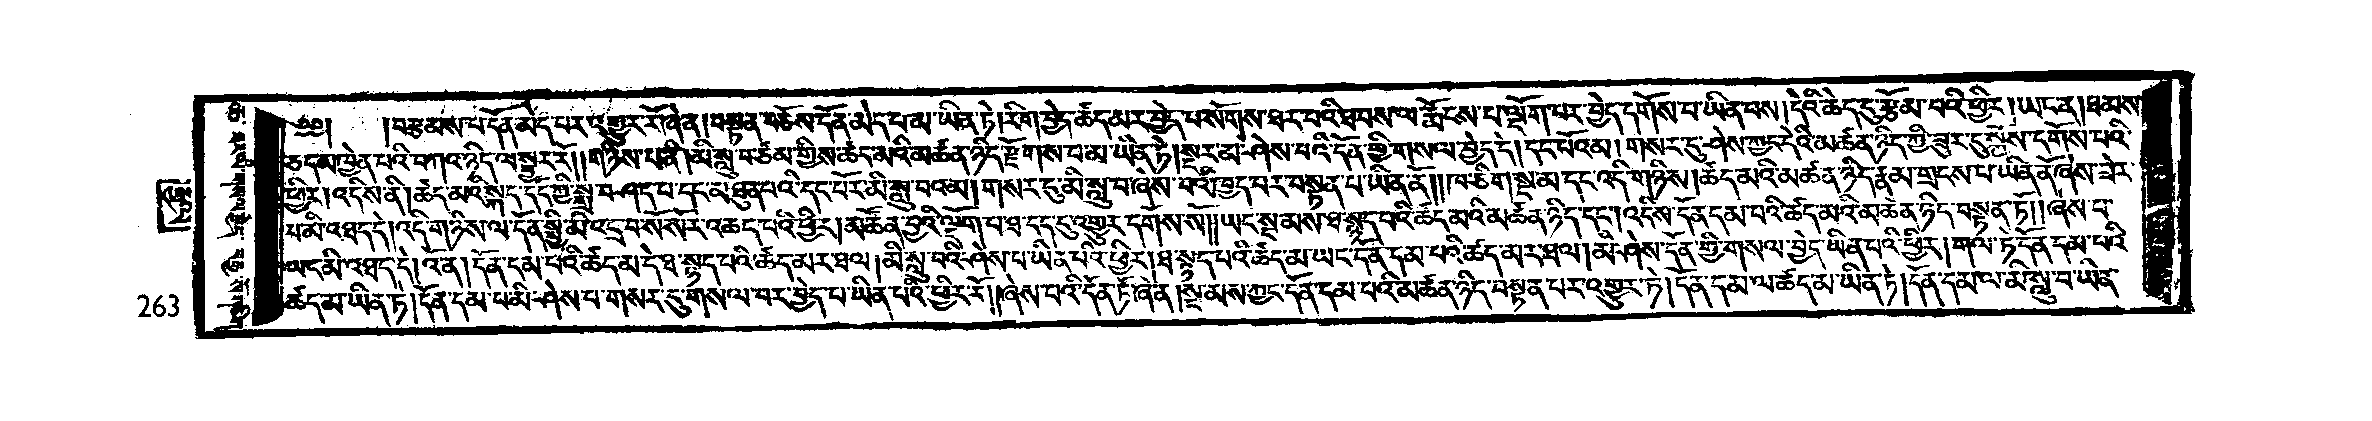༄༅། །བརྩམས་པ་དོན་མེད་པར་འགྱུར་རོ་ཞེ་ན། བསྟན་བཅོས་དོན་མེད་པ་མ་ཡིན་ཏེ། རིག་བྱེད་ཚད་མར་བྱེད་པ་སོགས་ཐར་པའི་ཐབས་ལ་རྨོངས་པ་ལྡོག་པར་བྱེད་དགོས་པ་ཡིན་པས། དེའི་ཆེད་དུ་རྩོམ་པའི་ཕྱིར། ཡང་ན། ཐམས་
ཅད་མཁྱེན་པའི་བཀའ་ཉིད་ལ་སྦྱར་རོ། །གཉིས་པ་ནི། མི་སླུ་བ་ཙམ་གྱིས་ཚད་མའི་མཚན་ཉིད་རྫོགས་པ་མ་ཡིན་ཏེ། སྔར་མ་ཤེས་པའི་དོན་གྱི་གསལ་བྱེད་དེ། དང་པོའམ། གསར་དུ་ཤེས་ཀྱང་དེའི་མཚན་ཉིད་ཀྱི་ཟུར་དུ་སྨོས་དགོས་པའི་
ཕྱིར། འདིས་ནི། ཚད་མའི་སྐད་དོད་ཀྱི་སྒྲ་བཤད་པ་དང་མཐུན་པའི་དང་པོར་མི་སླུ་བའམ། གསར་དུ་མི་སླུ་བ་ཞེས་པའི་ཁྱད་པར་བསྟན་པ་ཡིན་ནོ། །ཁ་ཅིག་སྔ་མ་དང་འདི་གཉིས། ཚད་མའི་མཚན་ཉིད་རྣམ་གྲངས་པ་ཡིན་ནོ་ཞེས་ཟེར་
བ་མི་འཐད་དེ། འདི་གཉིས་ལ་དོན་སྤྱི་མི་འདྲ་བ་སོ་སོར་འཆད་པའི་ཕྱིར། མཚོན་བྱའི་ལྡོག་པ་ཐ་དད་དུ་འགྱུར་དགོས་སོ། །ཡང་སྔ་མས་ཐ་སྙད་པའི་ཚད་མའི་མཚན་ཉིད་དང་། འདིས་དོན་དམ་པའི་ཚད་མའི་མཚན་ཉིད་བསྟན་ཏོ། །ཞེས་པ་
ཡང་མི་འཐད་དེ། འོ་ན། དོན་དམ་པའི་ཚད་མ་དེ་ཐ་སྙད་པའི་ཚད་མར་ཐལ། མི་སླུ་བའི་ཤེས་པ་ཡིན་པའི་ཕྱིར། ཐ་སྙད་པའི་ཚད་མ་ཡང་དོན་དམ་པའི་ཚད་མར་ཐལ། མི་ཤེས་དོན་གྱི་གསལ་བྱེད་ཡིན་པའི་ཕྱིར། གལ་ཏེ་དོན་དམ་པའི་
ཚད་མ་ཡིན་ཏེ། དོན་དམ་པ་མི་ཤེས་པ་གསར་དུ་གསལ་བར་བྱེད་པ་ཡིན་པའི་ཕྱིར་རོ། །ཞེས་པའི་དོན་ཏོ་ཞེ་ན། སྔ་མས་ཀྱང་དོན་དམ་པའི་མཚན་ཉིད་བསྟན་པར་འགྱུར་ཏེ། དོན་དམ་ལ་ཚད་མ་ཡིན་ཏེ། དོན་དམ་ལ་མི་སླུ་བ་ཡིན་